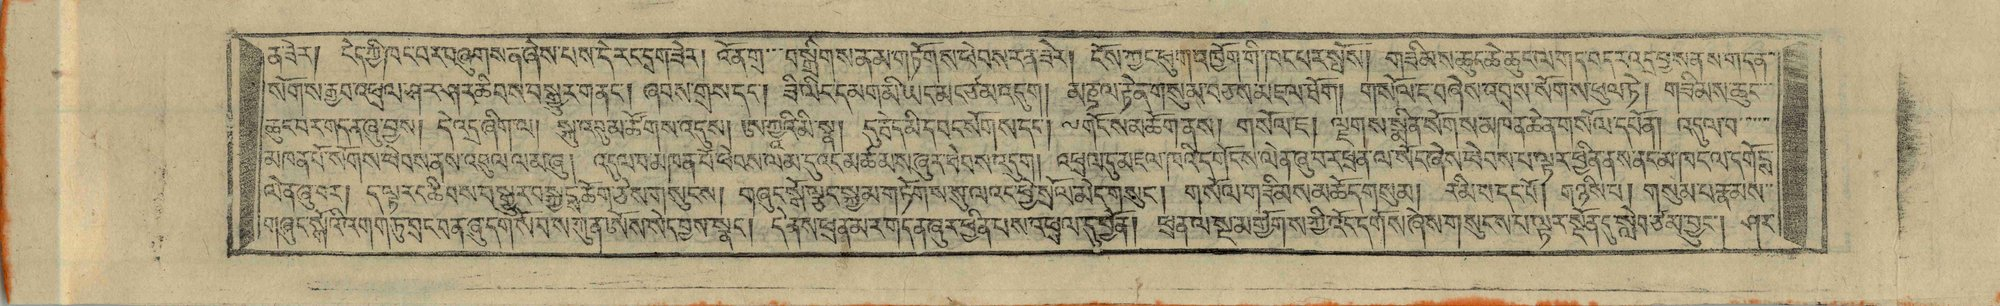ན་ཟེར། ངེད་ཀྱི་ཁང་ཟར་?་བཞུགས་ན་ཞེས་པས་དེ་རང་དྲག་ཟེར། འོ་ན་གྲ་བསྒྲིགས་ན་མ་གཏོགས་ཕེབས་རན་ཟེར། ངོས་ཀྱང་ཕུག་འཁྱོག་གི་ཁང་པར་སྤོས། གཟིམས་ཆུང་ཆེ་ཆུང་ལ་གད་བདར་འདྲ་བྱས་ནས་གདན་
སོགས་རྒྱབ་འཕྲལ་ཤར་ཤར་ཆིབས་བསྒྱུར་གནང་། ཞབས་གྲས་དང་། ཟི་ལིང་དམག་མི་ཡང་མང་ཙམ་འདུག །མཎྜལ་རྟེན་གསུམ་བཅས་མཇལ་ཐོག །གསོལ་ཇ་བཞེས་འབྲས་སོགས་ཕུལ་ཏེ། གཟིམས་ཆུང་
ཆུང་བར་གདན་ཞུ་བྱས། དེ་འདྲ་ཞིག་ལ། སྐུ་འབུམ་ཚོགས་འདུས། ཨ་ཀྱཱའི་མི་སྣ། དུ་རྦེད་མི་དབང་སོགས་དང་། ༧གོང་ས་མཆོག་ནས། གསོལ་ཇ། ལྗགས་སྨིན་སོགས་མཁན་ཆེན་གསོལ་དཔོན། འདུལ་བ་
མཁན་པོ་སོགས་ཕེབས་ནས་འབུལ་ལམ་ཞུ། འདུལ་བ་མཁན་པོ་ཕེབས་ལམ་དུའང་མཚམས་ཞུར་ཕེབས་འདུག །འཕྲལ་དུ་མཇལ་ཁའི་དགོངས་ལེན་ཞུ་བར་ཕྲན་ལ་སོང་ཞེས་ཕེབས་པ་ལྟར་ཕྱིན་ནས་ནང་མ་ཁང་ལ་དགོངས་
ལེན་ཞུ་བར། ད་ལྟ་རང་ཆི་བས་བསྒྱུར་བསྐྱངས་ཆོག་ཅེས་གསུངས། གཞུང་སྒོ་ལྕང་སྐྱམ་གཏོགས་སུ་ལའང་ཕྱེ་སྲོལ་མེད་གསུང་། གསོལ་གཟིམས་མཆོད་གསུམ། རིམ་པ་དང་པོ། གཉིས་པ། གསུམ་པ་རྣམས་
གཞུང་སྒོའི་འགག་ཏུ་བྲང་བན་ཞུ་དགོས་བས་ཀུན་ཨོས་སེང་བྱས་སྣང་། དེ་ནས་ཕྲན་མར་གདན་ཞུར་ཕྱིན་པས་འཕྲལ་དུ་བྱོན། ཕྲན་ལ་སྔ་མགྱོགས་ཀྱི་འོང་དགོས་ཞེས་གསུངས་པ་ལྟར་སྔོན་དུ་སླེབ་ཙམ་བྱུང་། ཤར་